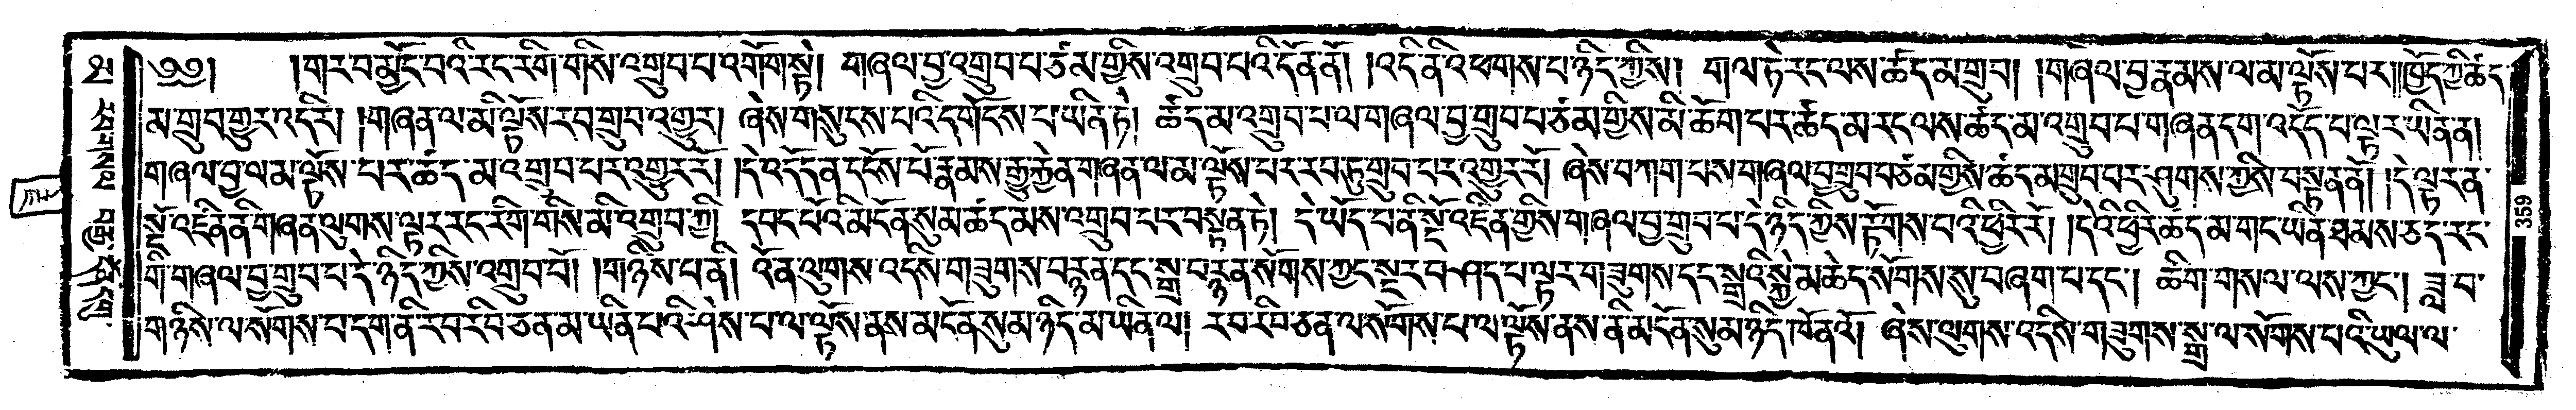༄༅། །གར་བ་མྱོང་བའི་རང་རིག་གིས་འགྲུབ་པ་འགོག་སྟེ། གཞལ་བྱ་འགྲུབ་པ་ཙམ་གྱིས་འགྲུབ་པའི་དོན་ནོ། །འདི་ནི་འཕགས་པ་ཉིད་ཀྱིས། གལ་ཏེ་རང་ལས་ཚད་མ་གྲུབ། །གཞལ་བྱ་རྣམས་ལ་མ་ལྟོས་པར། །ཁྱོད་ཀྱི་ཚད་
མ་གྲུབ་གྱུར་འདིར། །གཞན་ལ་མི་ལྟོས་རབ་གྲུབ་འགྱུར། ཞེས་གསུངས་པའི་དགོངས་པ་ཡིན་ཏེ། ཚད་མ་འགྲུབ་པ་ལ་གཞལ་བྱ་གྲུབ་པ་ཙམ་གྱིས་མི་ཆོག་པར་ཚད་མ་རང་ལས་ཚད་མ་འགྲུབ་པ་གཞན་དག་འདོད་པ་ལྟར་ཡིན་ན།
གཞལ་བྱ་ལ་མ་ལྟོས་པར་ཚད་མ་འགྲུབ་པར་འགྱུར་རོ། །དེ་འདོད་ན་དངོས་པོ་རྣམས་རྒྱུ་རྐྱེན་གཞན་ལ་མ་ལྟོས་པར་རབ་ཏུ་གྲུབ་པར་འགྱུར་རོ། ཞེས་བཀག་པས་གཞལ་བྱ་གྲུབ་པ་ཙམ་གྱིས་ཚད་མ་གྲུབ་པར་ཤུགས་ཀྱིས་བསྟན་ནོ། །དེ་ལྟར་ན་
སྔོ་འཛིན་ནི་གཞན་ལུགས་ལྟར་རང་རིག་གིས་མི་འགྲུབ་ཀྱི། དབང་པོའི་མངོན་སུམ་ཚད་མས་འགྲུབ་པར་བསྟན་ཏེ། དེ་ཡོད་པ་ནི་སྔོ་འཛིན་གྱིས་གཞལ་བྱ་གྲུབ་པ་དེ་ཉིད་ཀྱིས་རྟོགས་པའི་ཕྱིར་རོ། །དེའི་ཕྱིར་ཚད་མ་གང་ཡིན་ཐམས་ཅད་རང་
གི་གཞལ་བྱ་གྲུབ་པ་ད་ཉིད་ཀྱིས་འགྲུབ་བོ། །གཉིས་པ་ནི། འོ་ན་ལུགས་འདིས་གཟུགས་བརྙན་དང་སྒྲ་བརྙན་སོགས་ཀྱང་སྔར་བཤད་པ་ལྟར་གཟུགས་དང་སྒྲའི་སྐྱེ་མཆེད་སོགས་སུ་བཞག་པ་དང་། ཚིག་གསལ་ལས་ཀྱང་། ཟླ་བ་
གཉིས་ལ་སོགས་པ་དག་ནི་རབ་རིབ་ཅན་མ་ཡིན་པའི་ཤེས་པ་ལ་ལྟོས་ནས་མངོན་སུམ་ཉིད་མ་ཡིན་ལ། རབ་རིབ་ཅན་ལ་སོགས་པ་ལ་ལྟོས་ནས་ནི་མངོན་སུམ་ཉིད་ཁོ་ནའོ། ཞེས་ལུགས་འདིས་གཟུགས་སྒྲ་ལ་སོགས་པའི་ཡུལ་ལ་